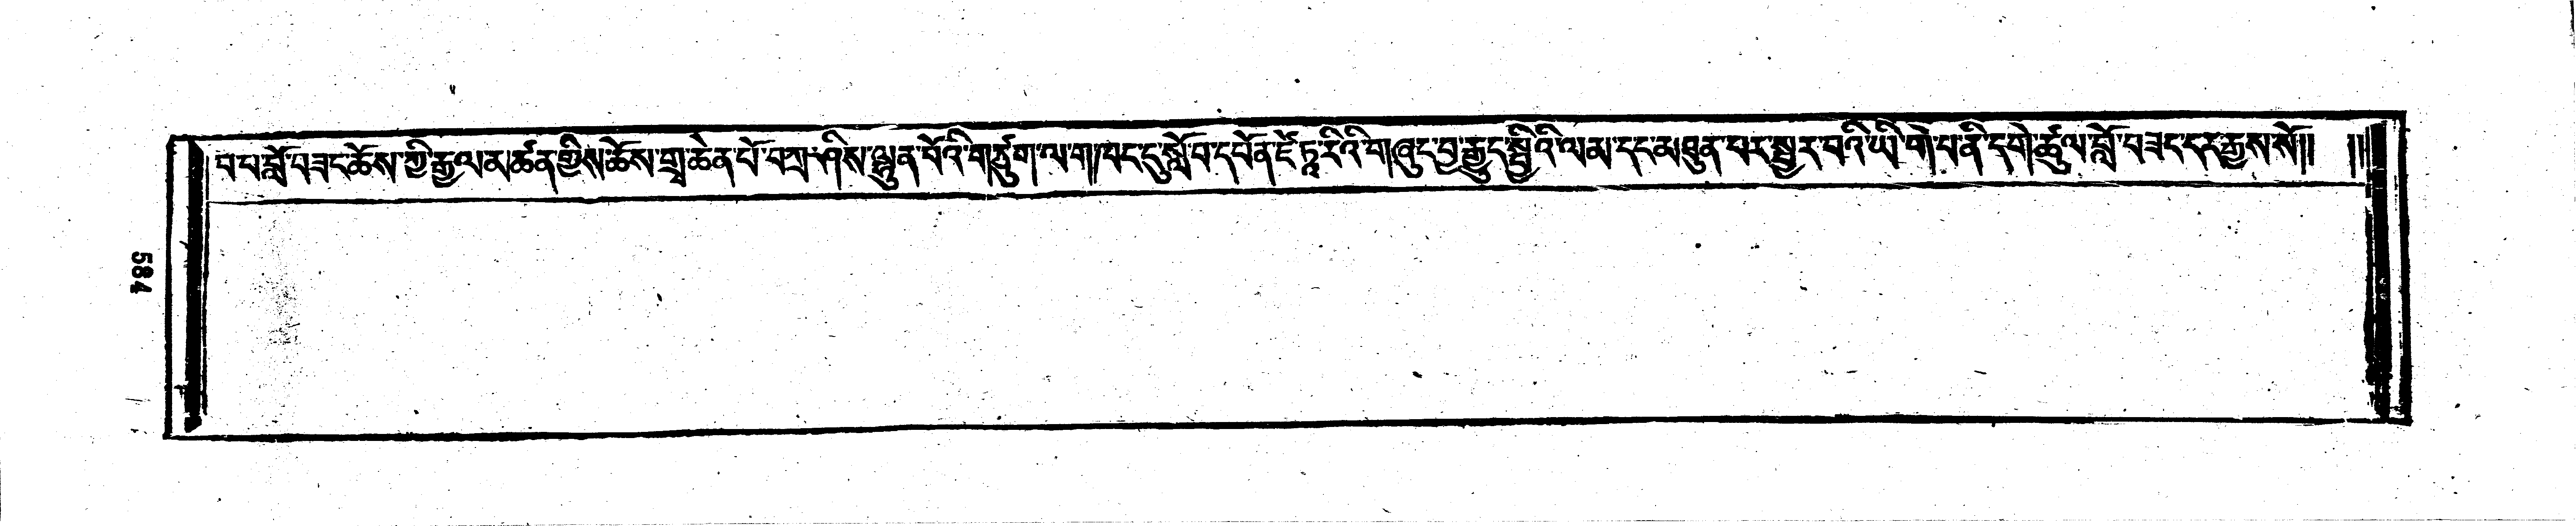བ་པ་བློ་བཟང་ཆོས་ཀྱི་རྒྱལ་མཚན་གྱིས་ཆོས་གྲྭ་ཆེན་པོ་བཀྲ་ཤིས་ལྷུན་པོའི་གཙུག་ལག་ཁང་དུ་སློབ་དཔོན་ཛེ་ཏཱ་རིའི་གཞུང་བྱ་རྒྱུད་སྤྱིའི་ལམ་དང་མཐུན་པར་སྦྱར་བའི་ཡི་གེ་པ་ནི་དགེ་ཚུལ་བློ་བཟང་དར་རྒྱས་སོ།། །